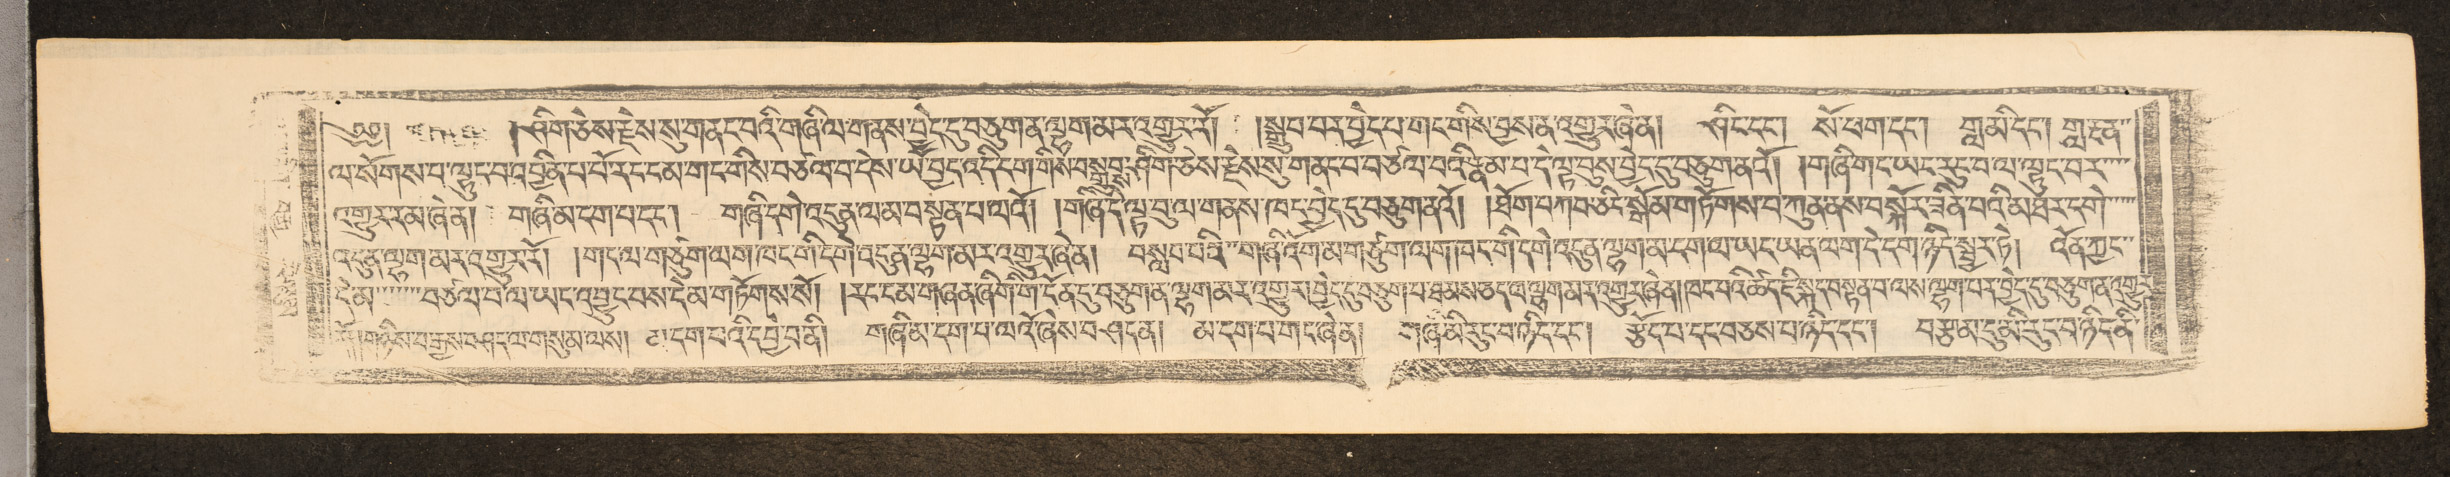༄༅། །ཤིག་ཅེས་རྗེས་སུ་གནང་བའི་གཞི་ལ་གནས་བྱེད་དུ་བཅུག་ན་ལྷག་མར་འགྱུར་རོ། །སྒྲུབ་པར་བྱེད་པ་གང་གིས་བྱས་ན་འགྱུར་ཞེ་ན། ཤིང་དང་། སོ་ཕག་དང་། གླ་མི་དང་། གླ་རྡན་
ལ་སོགས་པ་ལྟུང་བ་འབྱིན་པ་པོ་རང་དམ་གང་གིས་བཙལ་བ་དེས་ཡོ་བྱད་འདི་དག་གིས་བསྒྲུབས་ཤིག་ཅེས་རྗེས་སུ་གནང་བ་བཙལ་བའི་རྣམ་པ་དེ་ལྟ་བུས་བྱེད་དུ་བཅུག་ནའོ། །གཞི་གང་ཡང་རུང་བ་ལ་ལྟུང་བར་
འགྱུར་རམ་ཞེ་ན། གཞི་མ་དག་པ་དང་། གཞི་དགེ་འདུན་ལ་མ་བསྟན་པ་ལའོ། །གཞི་དེ་ལྟ་བུ་ལ་གནས་ཁང་བྱེད་དུ་བཅུག་ནའོ། །ཐོག་བཀབ་ཅིང་སྒོམ་གཏོགས་པ་ཀུན་ནས་བསྐོར་ཟིན་པའི་མཐར་དགེ་
འདུན་ལྷག་མར་འགྱུར་རོ། །གང་ལ་གཙུག་ལག་ཁང་གི་དགེ་འདུན་ལྷག་མར་འགྱུར་ཞེ་ན། བསླབ་པའི་གཞི་འོག་མ་གཙུག་ལག་ཁང་གི་དགེ་འདུན་ལྷག་མ་དག་ལ་ཡང་ཡན་ལག་དེ་དག་ཉིད་སྦྱར་ཏེ། འོན་ཀྱང་
དེ་མ་བཙལ་བ་ལ་ཡང་འབྱུང་བས་དེ་མ་གཏོགས་སོ། །རང་དམ་གཞན་ཞིག་གི་དོན་དུ་བཅུག་ན་ལྷག་མར་འགྱུར། བྱེད་དུ་བཅུག་པ་ཐམས་ཅད་ལ་ལྷག་པར་འགྱུར་ཞེན། ཁང་པའི་ཚིད་ཇི་སྐད་བསྟན་པ་ལས་ལྷག་པར་བྱེད་དུ་བཅུག་ན་འགྱུར་
རོ། །གཉིས་པ་རྒྱས་བཤད་པ་གསུམ་ལས། མ་དག་པའི་དབྱེ་བ་ནི། གཞི་མ་དག་པ་ལའོ་ཞེས་བཤད་ན། མ་དག་པ་གང་ཞེ་ན། གཞི་མི་རུང་བ་ཉིད་དང་། རྩོད་པ་དང་བཅས་པ་ཉིད་དང་། བརྩམ་དུ་མི་རུང་བ་ཉིད་ནི་